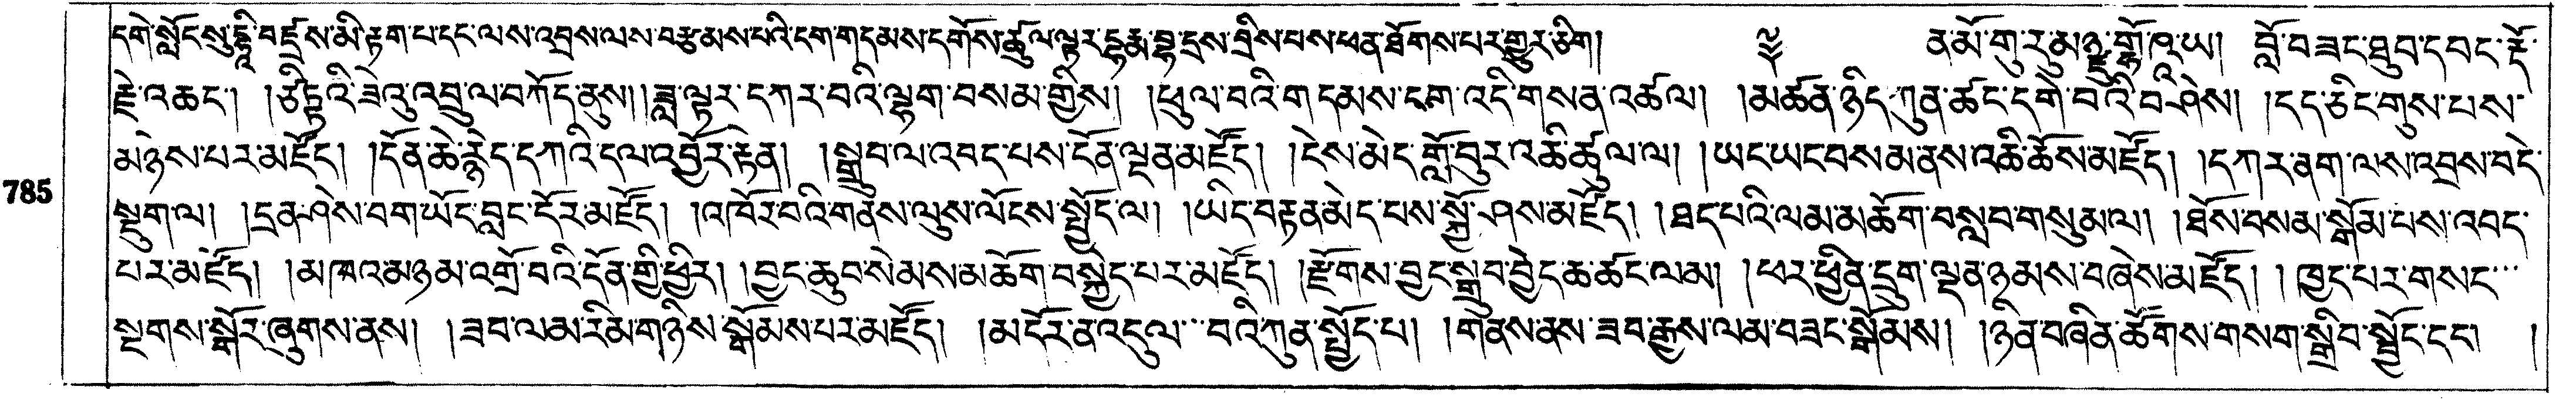དགེ་སློང་སུ་དྷཱི་བཛྲས་མི་རྟག་པ་དང་ལས་འབྲས་ལས་བརྩམས་པའི་ངག་གདམས་དགོས་ཚུལ་ལྟར་དྷརྨ་བྷ་དྲས་བྲིས་པས་ཕན་ཐོགས་པར་གྱུར་ཅིག ། ༈ ན་མོ་གུ་རུ་མཉྫུ་གྷོ་ཥཱ་ཡ། བློ་བཟང་ཐུབ་དབང་རྡོ་
རྗེ་འཆང་། །ཙིཏྟའི་ཟེའུ་འབྲུ་ལ་བཀོད་ནུས། །ཟླ་ལྟར་དཀར་བའི་ལྷག་བསམ་གྱིས། །ཕུལ་བའི་གདམས་ངག་འདི་གསན་འཚལ། །མཚན་ཉིད་ཀུན་ཚང་དགེ་བའི་བཤེས། །དད་ཅིང་གུས་པས་
མཉེས་པར་མཛོད། །དོན་ཆེ་རྙེད་དཀའི་དལ་འབྱོར་རྟེན། །སྒྲུབ་ལ་འབད་པས་དོན་ལྡན་མཛོད། །ངེས་མེད་གློ་བུར་འཆི་ཚུལ་ལ། །ཡང་ཡང་བསམ་ནས་འཆི་ཆོས་མཛོད། །དཀར་ནག་ལས་འབྲས་བདེ་
སྡུག་ལ། །དྲན་ཤེས་བག་ཡོང་བླང་དོར་མཛོད། །འཁོར་བའི་གནས་ལུས་ལོངས་སྤྱོད་ལ། །ཡིད་བརྟན་མེད་པས་སྐྱོ་ཤས་མཛོད། །ཐད་པའི་ལམ་མཆོག་བསླབ་གསུམ་ལ། །ཐོས་བསམ་སྒོམ་པས་འབད་
པར་མཛོད། །མཁའ་མཉམ་འགྲོ་བའི་དོན་གྱི་ཕྱིར། །བྱང་ཆུབ་སེམས་མཆོག་བསྐྱེད་པར་མཛོད། །རྫོགས་བྱང་སྒྲུབ་བྱེད་ཆ་ཚང་ལམ། །ཕར་ཕྱིན་དྲུག་ལྡན་ཉམས་བཞེས་མཛོད། །ཁྱད་པར་གསང་
སྔགས་སྒོར་ཞུགས་ནས། །ཟབ་ལམ་རིམ་གཉིས་སྒོམས་པར་མཛོད། །མདོར་ན་འདུལ་བའི་ཀུན་སྤྱོད་པ། །གནས་ནས་ཟབ་རྒྱས་ལམ་བཟང་སྒོམས། །ཉིན་བཞིན་ཚོགས་གསག་སྒྲིབ་སྦྱོང་དང་། །